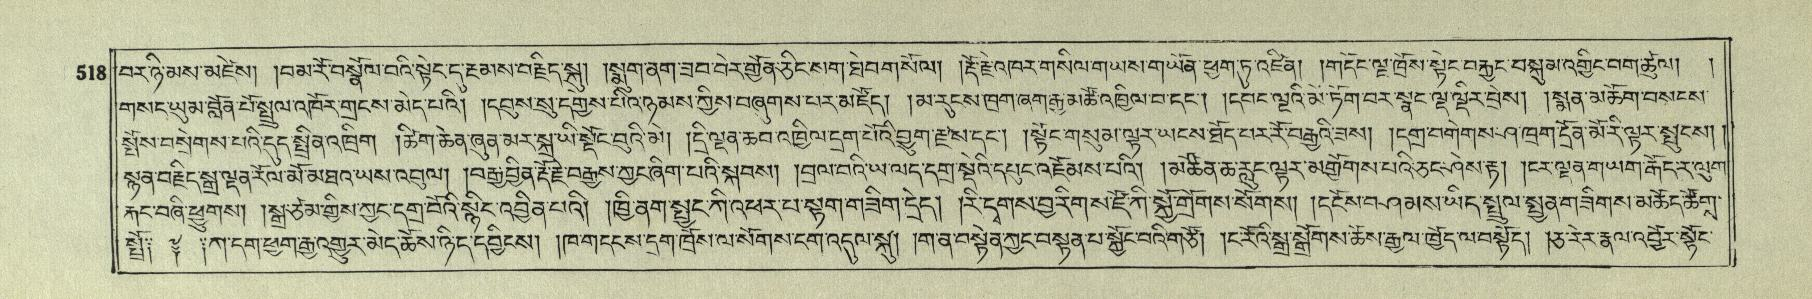བར་ཉི་མས་མཛེས། །བམ་རོ་བསྣོལ་བའི་སྟེང་དུ་རྔམས་བརྗིད་སྐུ། །སྨུག་ནག་ཟབ་བེར་གྱོན་ཅིང་སག་ཐེབ་གསོལ། །རྡོ་རྗེ་འཁར་གསིལ་གཡས་གཡོན་ཕྱག་ཏུ་འཛིན། །གདོང་ལྔ་ཁྲོས་སྟེང་བརྐྱང་བསྐུམ་འགྱིང་བག་ཚུལ། །
གསང་ཡུམ་བློན་པོ་སྤྲུལ་འཁོར་གྲངས་མེད་པའི། །དབུས་སུ་དགྱེས་པའི་ཉམས་ཀྱིས་བཞུགས་པར་མཛོད། །མ་རུངས་ཁྲག་ཞག་རྒྱ་མཚོ་འཁྱིལ་བ་དང་། །དབང་ལྔའི་མེ་ཏོག་བར་སྣང་ལྡ་ལྡིར་པྲེས། །སྨན་མཆོག་བསངས་
སྤོས་བསྲེགས་པའི་དུད་སྤྲིན་འཁྲིག །ཚིག་ཆེན་ཞུན་མར་སྐྲ་ཡི་སྡོང་བུའི་མེ། །དྲི་ལྡན་ཆབ་འཁྱིལ་དྲག་པོའི་བྱུག་རྫས་དང་། །སྟོང་གསུམ་ལྟར་ཡངས་ཐོད་པར་རོ་བརྒྱའི་ཟས། །དགྲ་བགེགས་ཤ་ཁྲག་དྲོན་མོ་རི་ལྟར་སྤུངས། །
སྙན་བརྗིད་སྒྲ་ལྡན་རོལ་མོ་མཐའ་ཡས་འབུལ། །བརྒྱ་བྱིན་རྡོ་རྗེ་བརྒྱས་ཀྱང་ཞིག་པའི་སྐབས། །བྲལ་བའི་ཡ་ལད་དགྲ་སྡེའི་དཔུང་འཇོམས་པའི། །མཚོན་ཆ་རླུང་ལྟར་མགྱོགས་པའི་ཅང་ཤེས་རྟ། །ངར་ལྡན་གཡག་རྒོང་ར་ལུག་
རྐང་བཞི་ཕྱུགས། །སྒྲ་ཙམ་གྱིས་ཀྱང་དགྲ་བོའི་སྙིང་འབྱིན་པའི། །ཁྱི་ནག་སྤྱང་ཀི་འཕར་པ་སྟག་གཟིག་དྲེད། །རི་དྭགས་བྱ་རིགས་ཛོ་ཀི་སྐྱོ་གྲོགས་སོགས། །དངོས་བཤམས་ཡིད་སྤྲུལ་སྤྱན་གཟིགས་མཆོད་ཚོགས་
སྤྲོ༑ འ་༑ཀ་དག་ཕྱག་རྒྱ་འགྱུར་མེད་ཆོས་ཉིད་དབྱིངས། །ཁ་གདངས་དྲག་ཁྲོས་ལ་སོགས་ངག་འདུལ་སྐུ། །ག་ན་བསྟེན་ཀྱང་བསྟན་པ་སྐྱོང་བའི་གཙོ། །ང་རོའི་སྒྲ་སྒྲོགས་ཆོས་རྒྱལ་ཁྱོད་ལ་བསྟོད། །ཅ་རེར་རྣལ་འབྱོར་སྟོང་